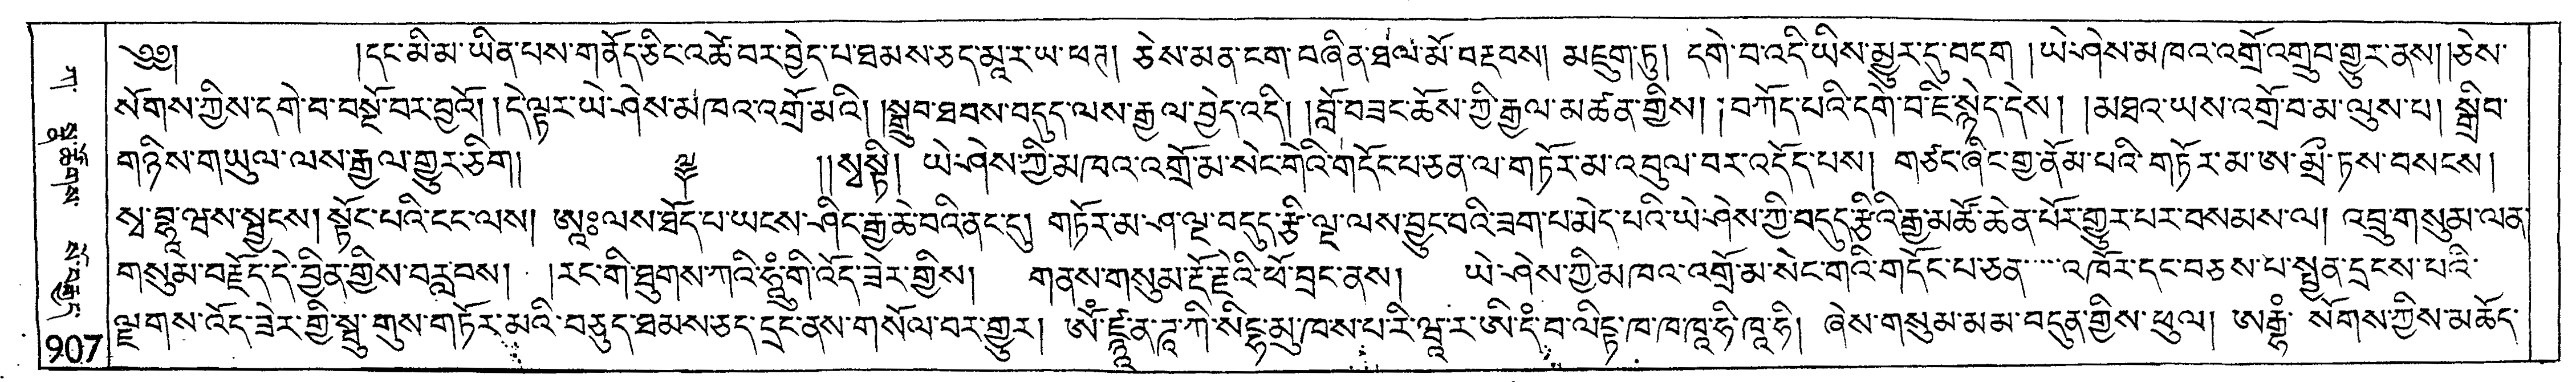༄༅། །དང་མི་མ་ཡིན་པས་གནོད་ཅིང་འཚེ་བར་བྱེད་པ་ཐམས་ཅད་མཱ་ར་ཡ་ཕཊ། ཅེས་མན་ངག་བཞིན་ཐལ་མོ་བརྡབས། མཇུག་ཏུ། དགེ་བ་འདི་ཡིས་མྱུར་དུ་བདག །ཡེ་ཤེས་མཁའ་འགྲོ་འགྲུབ་གྱུར་ནས། །ཅེས་
སོགས་ཀྱིས་དགེ་བ་བསྔོ་བར་བྱའོ། །དེ་ལྟར་ཡེ་ཤེས་མཁའ་འགྲོ་མའི། །སྒྲུབ་ཐབས་བདུད་ལས་རྒྱལ་བྱེད་འདི། །བློ་བཟང་ཆོས་ཀྱི་རྒྱལ་མཚན་གྱིས། །བཀོད་པའི་དགེ་བ་ཇི་སྙེད་དེས། །མཐའ་ཡས་འགྲོ་བ་མ་ལུས་པ། སྒྲིབ་
གཉིས་གཡུལ་ལས་རྒྱལ་གྱུར་ཅིག ། ༈ །།སྭ་སྟི། ཡེ་ཤེས་ཀྱི་མཁའ་འགྲོ་མ་སེང་གེའི་གདོང་པ་ཅན་ལ་གཏོར་མ་འབུལ་བར་འདོད་པས། གཙང་ཞིང་གྱ་ནོམ་པའི་གཏོར་མ་ཨ་མྲྀ་ཏས་བསངས།
སྭ་བྷཱ་ཝས་སྦྱངས། སྟོང་པའི་ངང་ལས། ཨཱཿ ལས་ཐོད་པ་ཡངས་ཤིང་རྒྱ་ཆེ་བའི་ནང་དུ། གཏོར་མ་ཤ་ལྔ་བདུད་རྩི་ལྔ་ལས་བྱུང་བའི་ཟག་པ་མེད་པའི་ཡེ་ཤེས་ཀྱི་བདུད་རྩིའི་རྒྱ་མཚོ་ཆེན་པོར་གྱུར་པར་བསམས་ལ། འབྲུ་གསུམ་ལན་
གསུམ་བརྗོད་དེ་བྱིན་གྱིས་བརླབས། །རང་གི་ཐུགས་ཀའི་ཧཱུཾ་གི་འོད་ཟེར་གྱིས། གནས་གསུམ་རྡོ་རྗེའི་ཕོ་བྲང་ནས། ཡེ་ཤེས་ཀྱི་མཁའ་འགྲོ་མ་སེང་གའི་གདོང་པ་ཅན་འཁོར་དང་བཅས་པ་སྤྱན་དྲངས་པའི་
ལྗགས་འོད་ཟེར་གྱི་སྦུ་གུས་གཏོར་མའི་བཅུད་ཐམས་ཅད་དྲང་ནས་གསོལ་བར་གྱུར། ཨོཾ་ཛྙཱ་ན་ཌཱ་ཀི་སིདྷ་མུ་ཁ་ས་པ་རི་ཝཱ་ར་ཨི་དཾ་བ་ལིདྟ་ཁ་ཁ་ཁཱ་ཧི་ཁཱ་ཧི། ཞེས་གསུམ་མམ་བདུན་གྱིས་ཕུལ། ཨརྒྷཾ་སོགས་ཀྱིས་མཆོད་